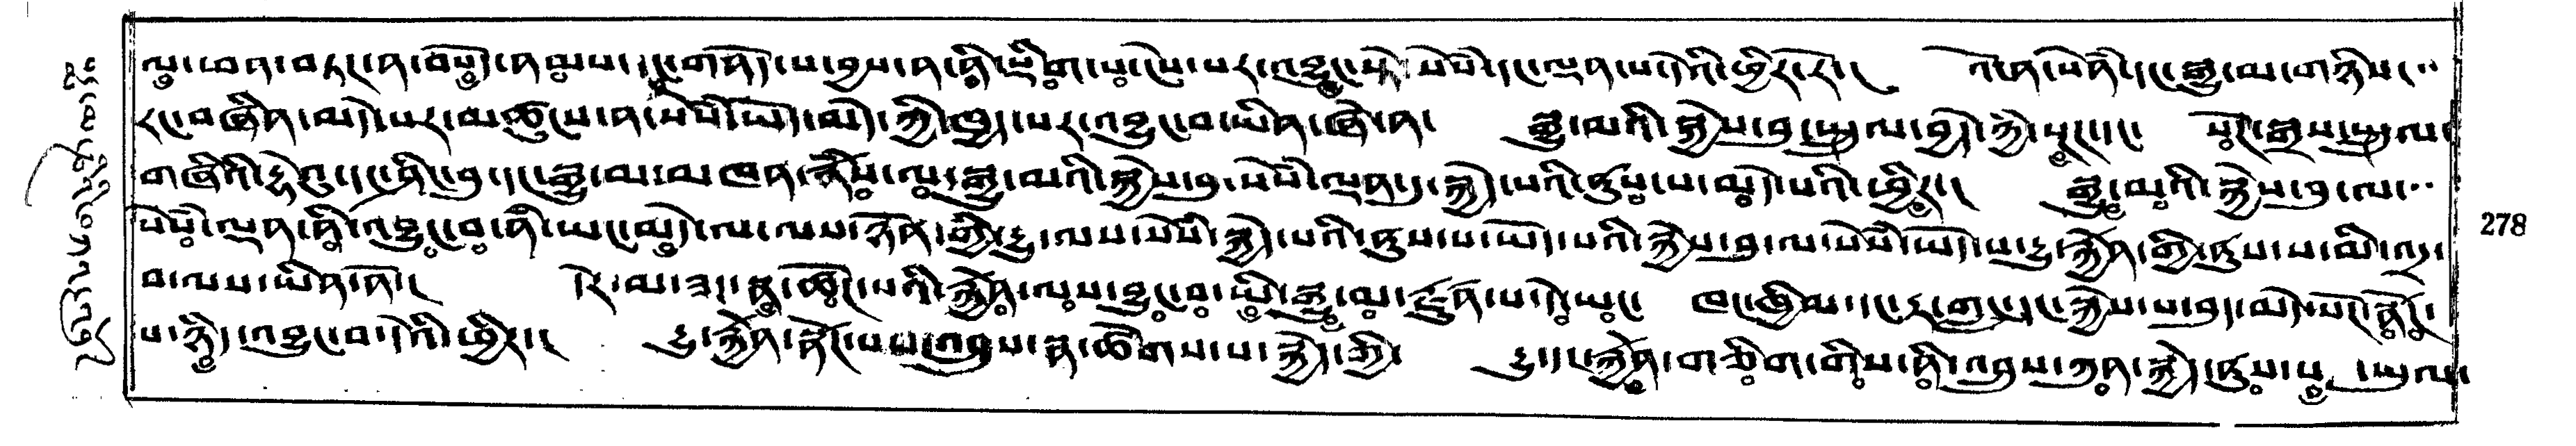ལ་ཕན་བཏགས་ན་བསོད་ནམས་དང་གནོད་པ་བྱས་ན་ནི་སྡིག་པ་ངེས་པར་འབྱུང་སྟེ་སེམས་དང་ལྡན་པ་དེའི་ཕྱིར་རོ། འོ་ན་སེམས་ཅན་དང་སྒྱུ་མ་གཉིས་
རང་བཞིན་མེད་པར་མཚུངས་ན་སེམས་ཡོད་མེད་ཀྱི་ཁྱད་པར་འབྱུང་བ་ཡིན་ཞེ་ན། སྒྱུ་མའི་སྐྱེས་བུ་སྤྲུལ་བྱེད་ཀྱི་སྔགས་དང་། སོགས་སྒྲས་སྤྲུལ་
གཞིའི་རྡེའུ་དང་ཤིང་བུ་དང་སྒྱུ་མ་མཁན་རྣམས་ལ་སྒྱུ་མའི་སྐྱེས་བུ་སེམས་ལྡན་དུ་སྐྱེད་པའི་ནུས་པ་མེད་པའི་ཕྱིར། སྒྱུ་མའི་སྐྱེས་བུ་ལ་
སེམས་ལྡན་ནི་འབྱུང་བ་ཡང་མེད་ལ་ལས་ཉོན་གྱི་རྒྱུ་ལས་སེམས་བསྐྱེད་པའི་ནུས་པ་ཡོད་པའི་སྐྱེས་བུ་ལ་སེམས་ཡོད་པ་རྒྱུ་རྐྱེན་གྱི་ནུས་པ་མི་འདྲ་
བ་ལས་ཡིན་ནོ། དེར་མ་ཟད་སྣ་ཚོགས་པའི་རྐྱེན་ལས་བྱུང་བ་ཡི་སྒྱུ་མ་རྫུན་པ་དེ་ཡང་།ཁང་ཁྱིམ་དང་རྟ་གླང་དང་སྐྱེས་པ་བུད་མེད་སོགས་སྣ་ཚོགས་
པ་ཉིད་འབྱུང་བ་དེའི་ཕྱིར། རྒྱུ་རྐྱེན་སྣ་ཚོགས་པས་འབྲས་བུ་སྣ་ཚོགས་པ་སྐྱེད་ཀྱི། རྒྱུ་དང་རྐྱེན་གཅིག་གིས་ནི་འབྲས་བུ་ཀུན་སྐྱེད་ནུས་པ། ཡུལ་